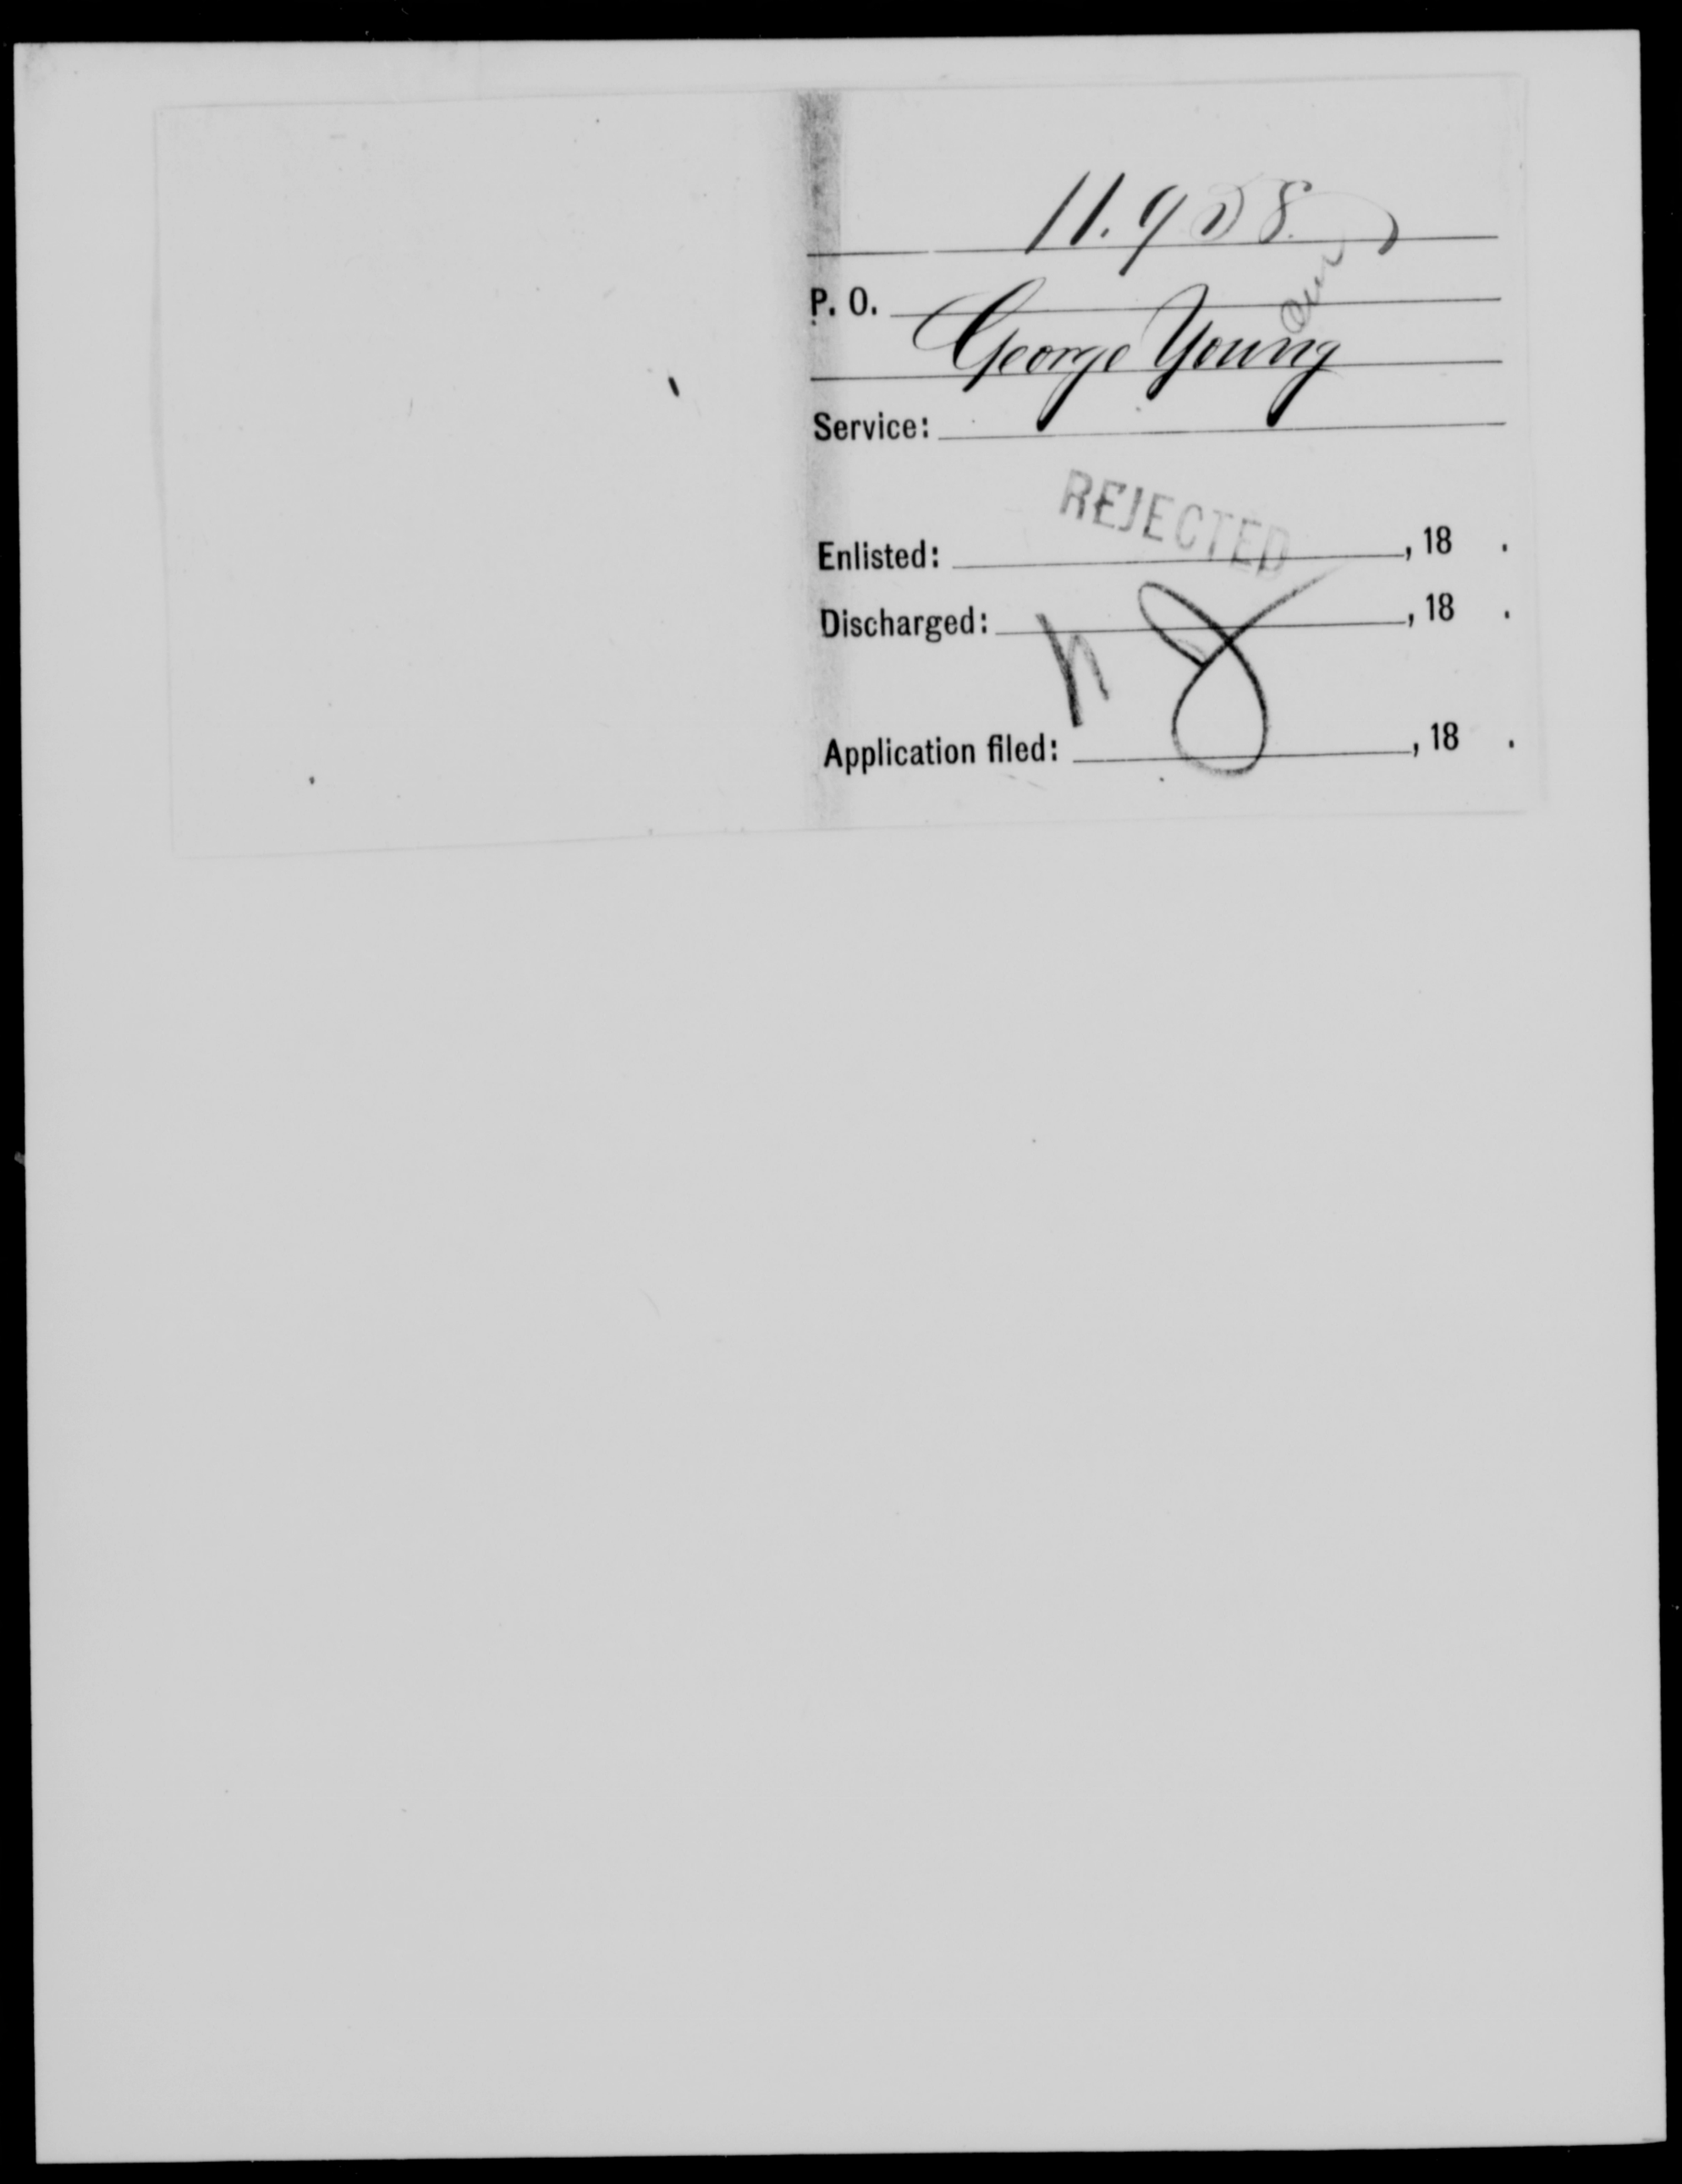11.908
Service:
of
George Young
Enlisted:
REJECTED
Discharged: NJ
Application filed:
18
18
18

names: George Young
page: 57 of 67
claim: widow's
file: W. 7379, George Young, New Jersey